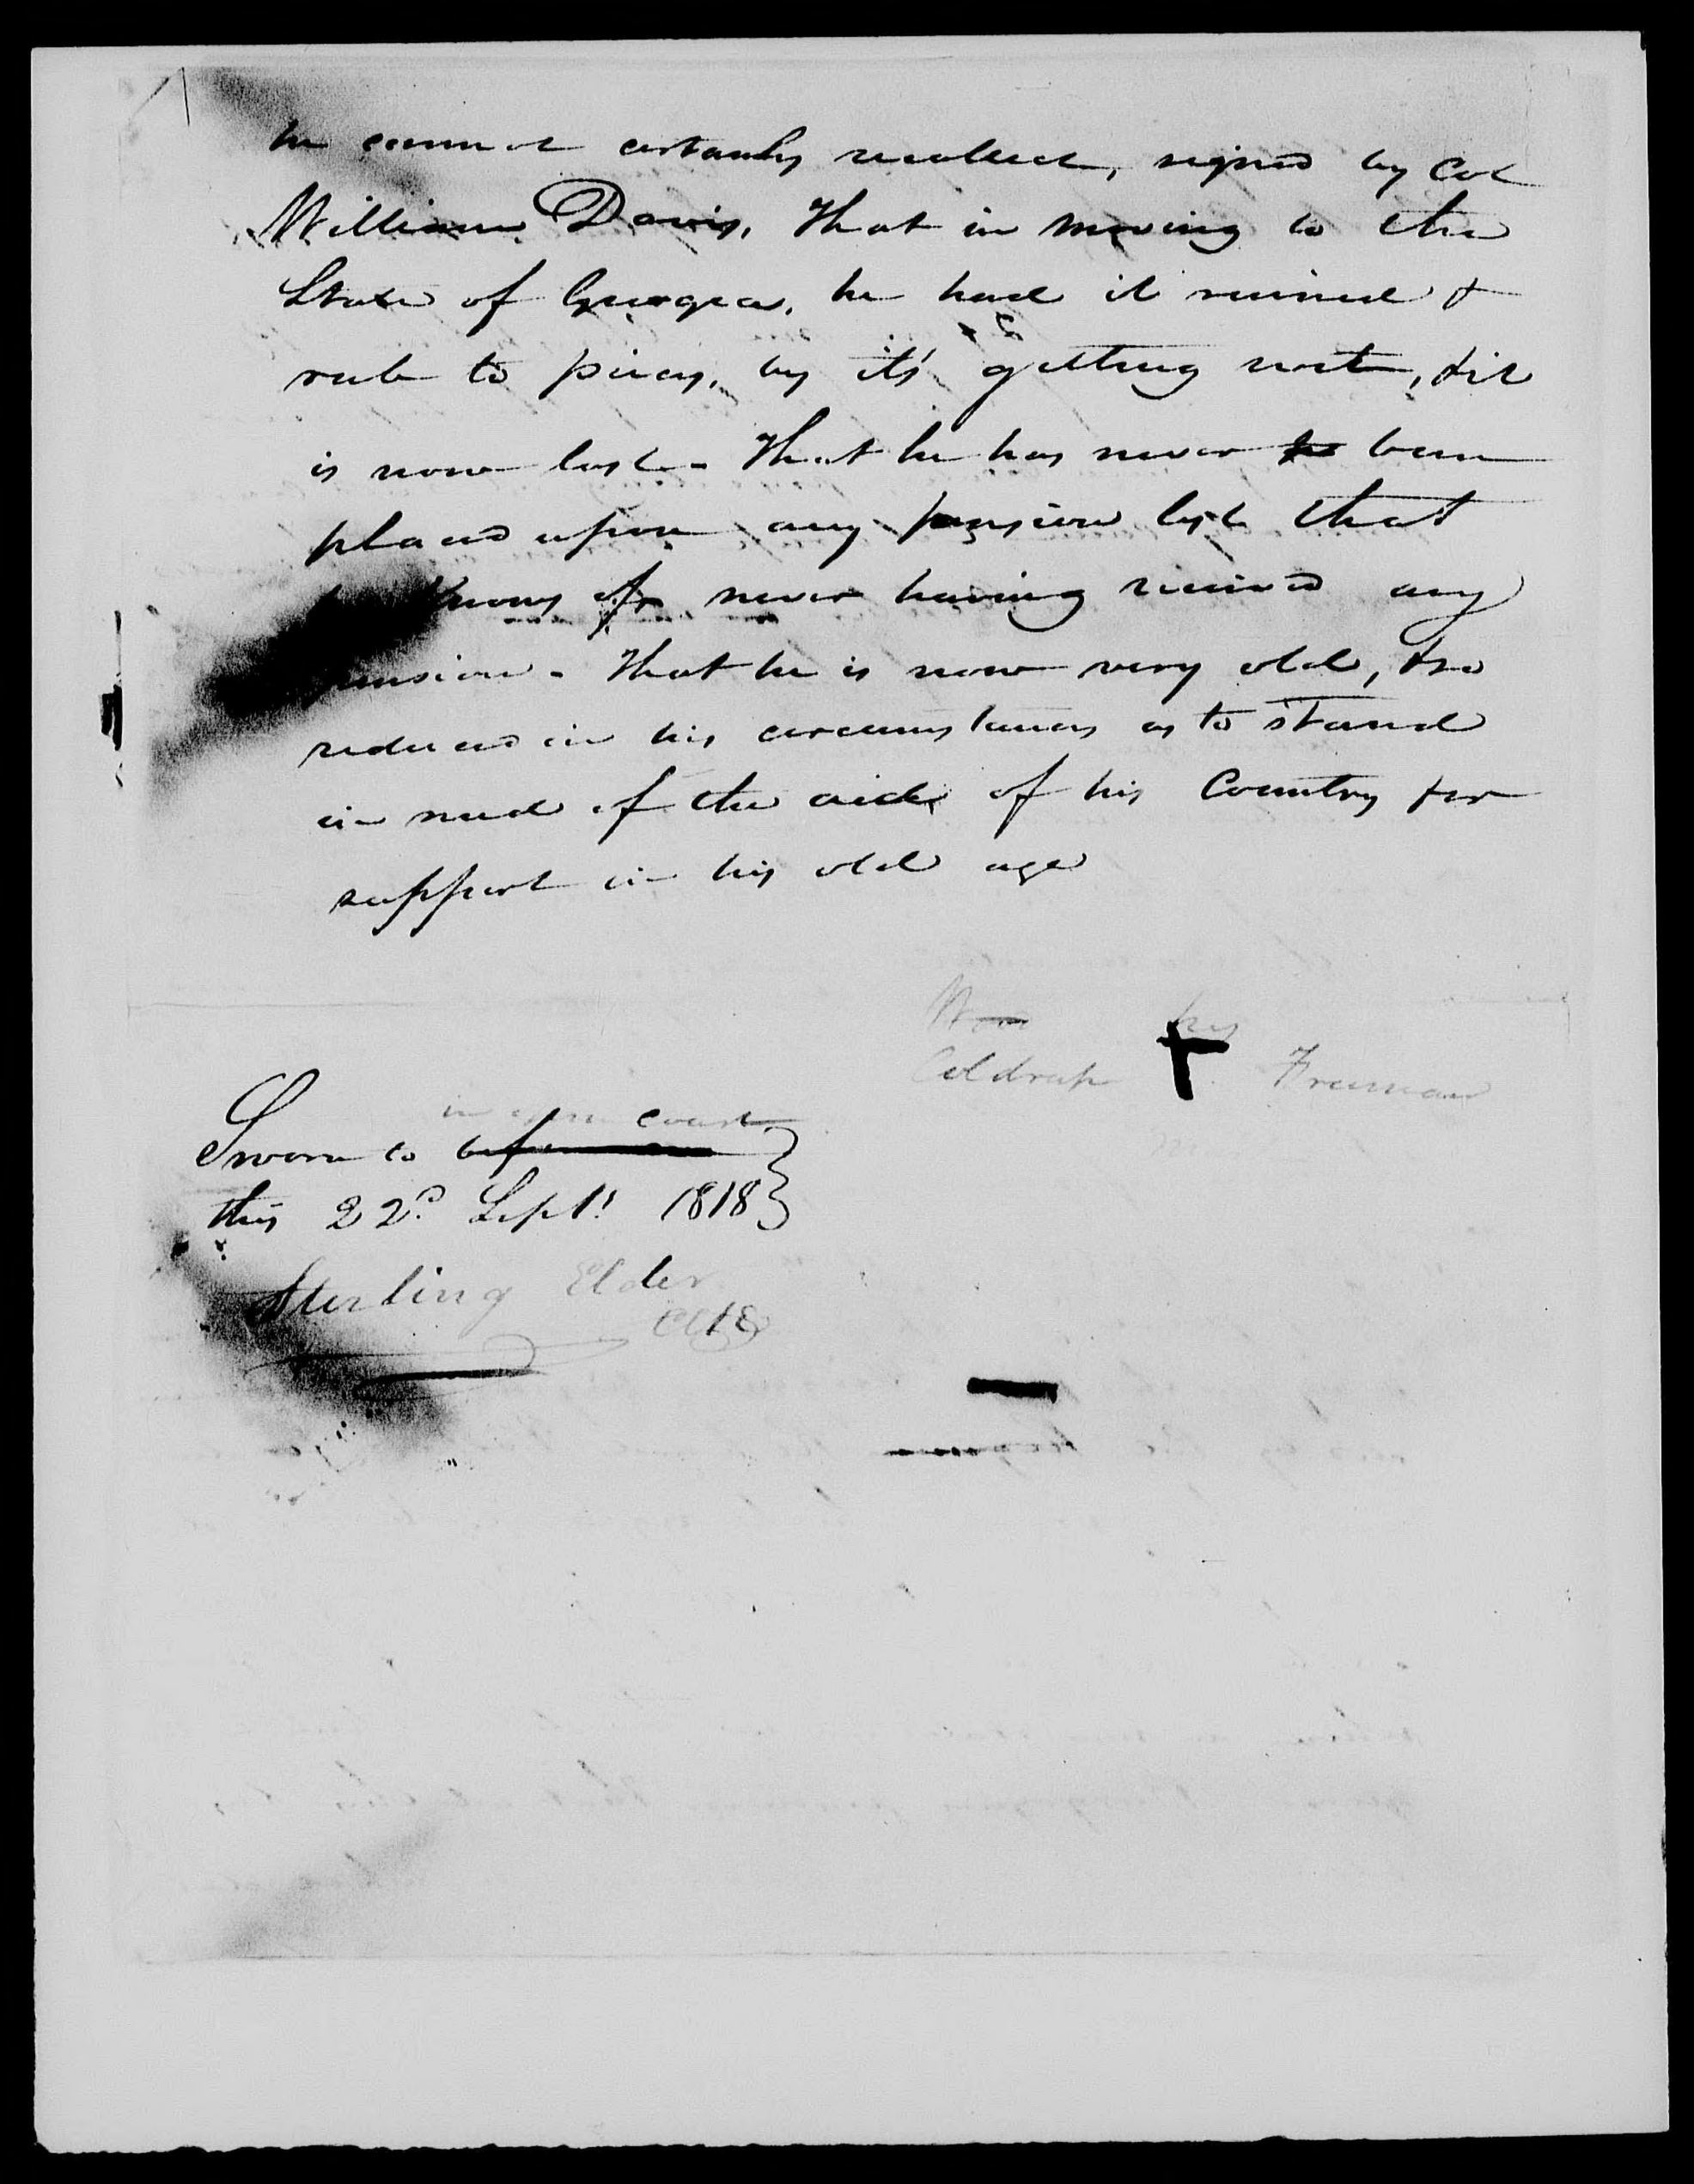he cannot certainly recollect, signed by Col William Daivs, That in moving to the State of Georgia he had it serviced & out to pricy by it's getting and & is now  [illegible] What he has never been placed upon any [illegible] by that 
 [illegible] he never having received any 
 pensions.  That he is now very old, and 
rides and in his cerc [illegible] as to stand
in need of the aide of his country for
support in his old age
Coldrup Freeman 
his X mark

Sworn to in court
this 22nd Sept 1818
Sterling Elder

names: William Davis, Coldrup Freeman, Sterling Elder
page: 5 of 15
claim: survivor's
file: S. 37,941, Coldrup Freeman, Va.